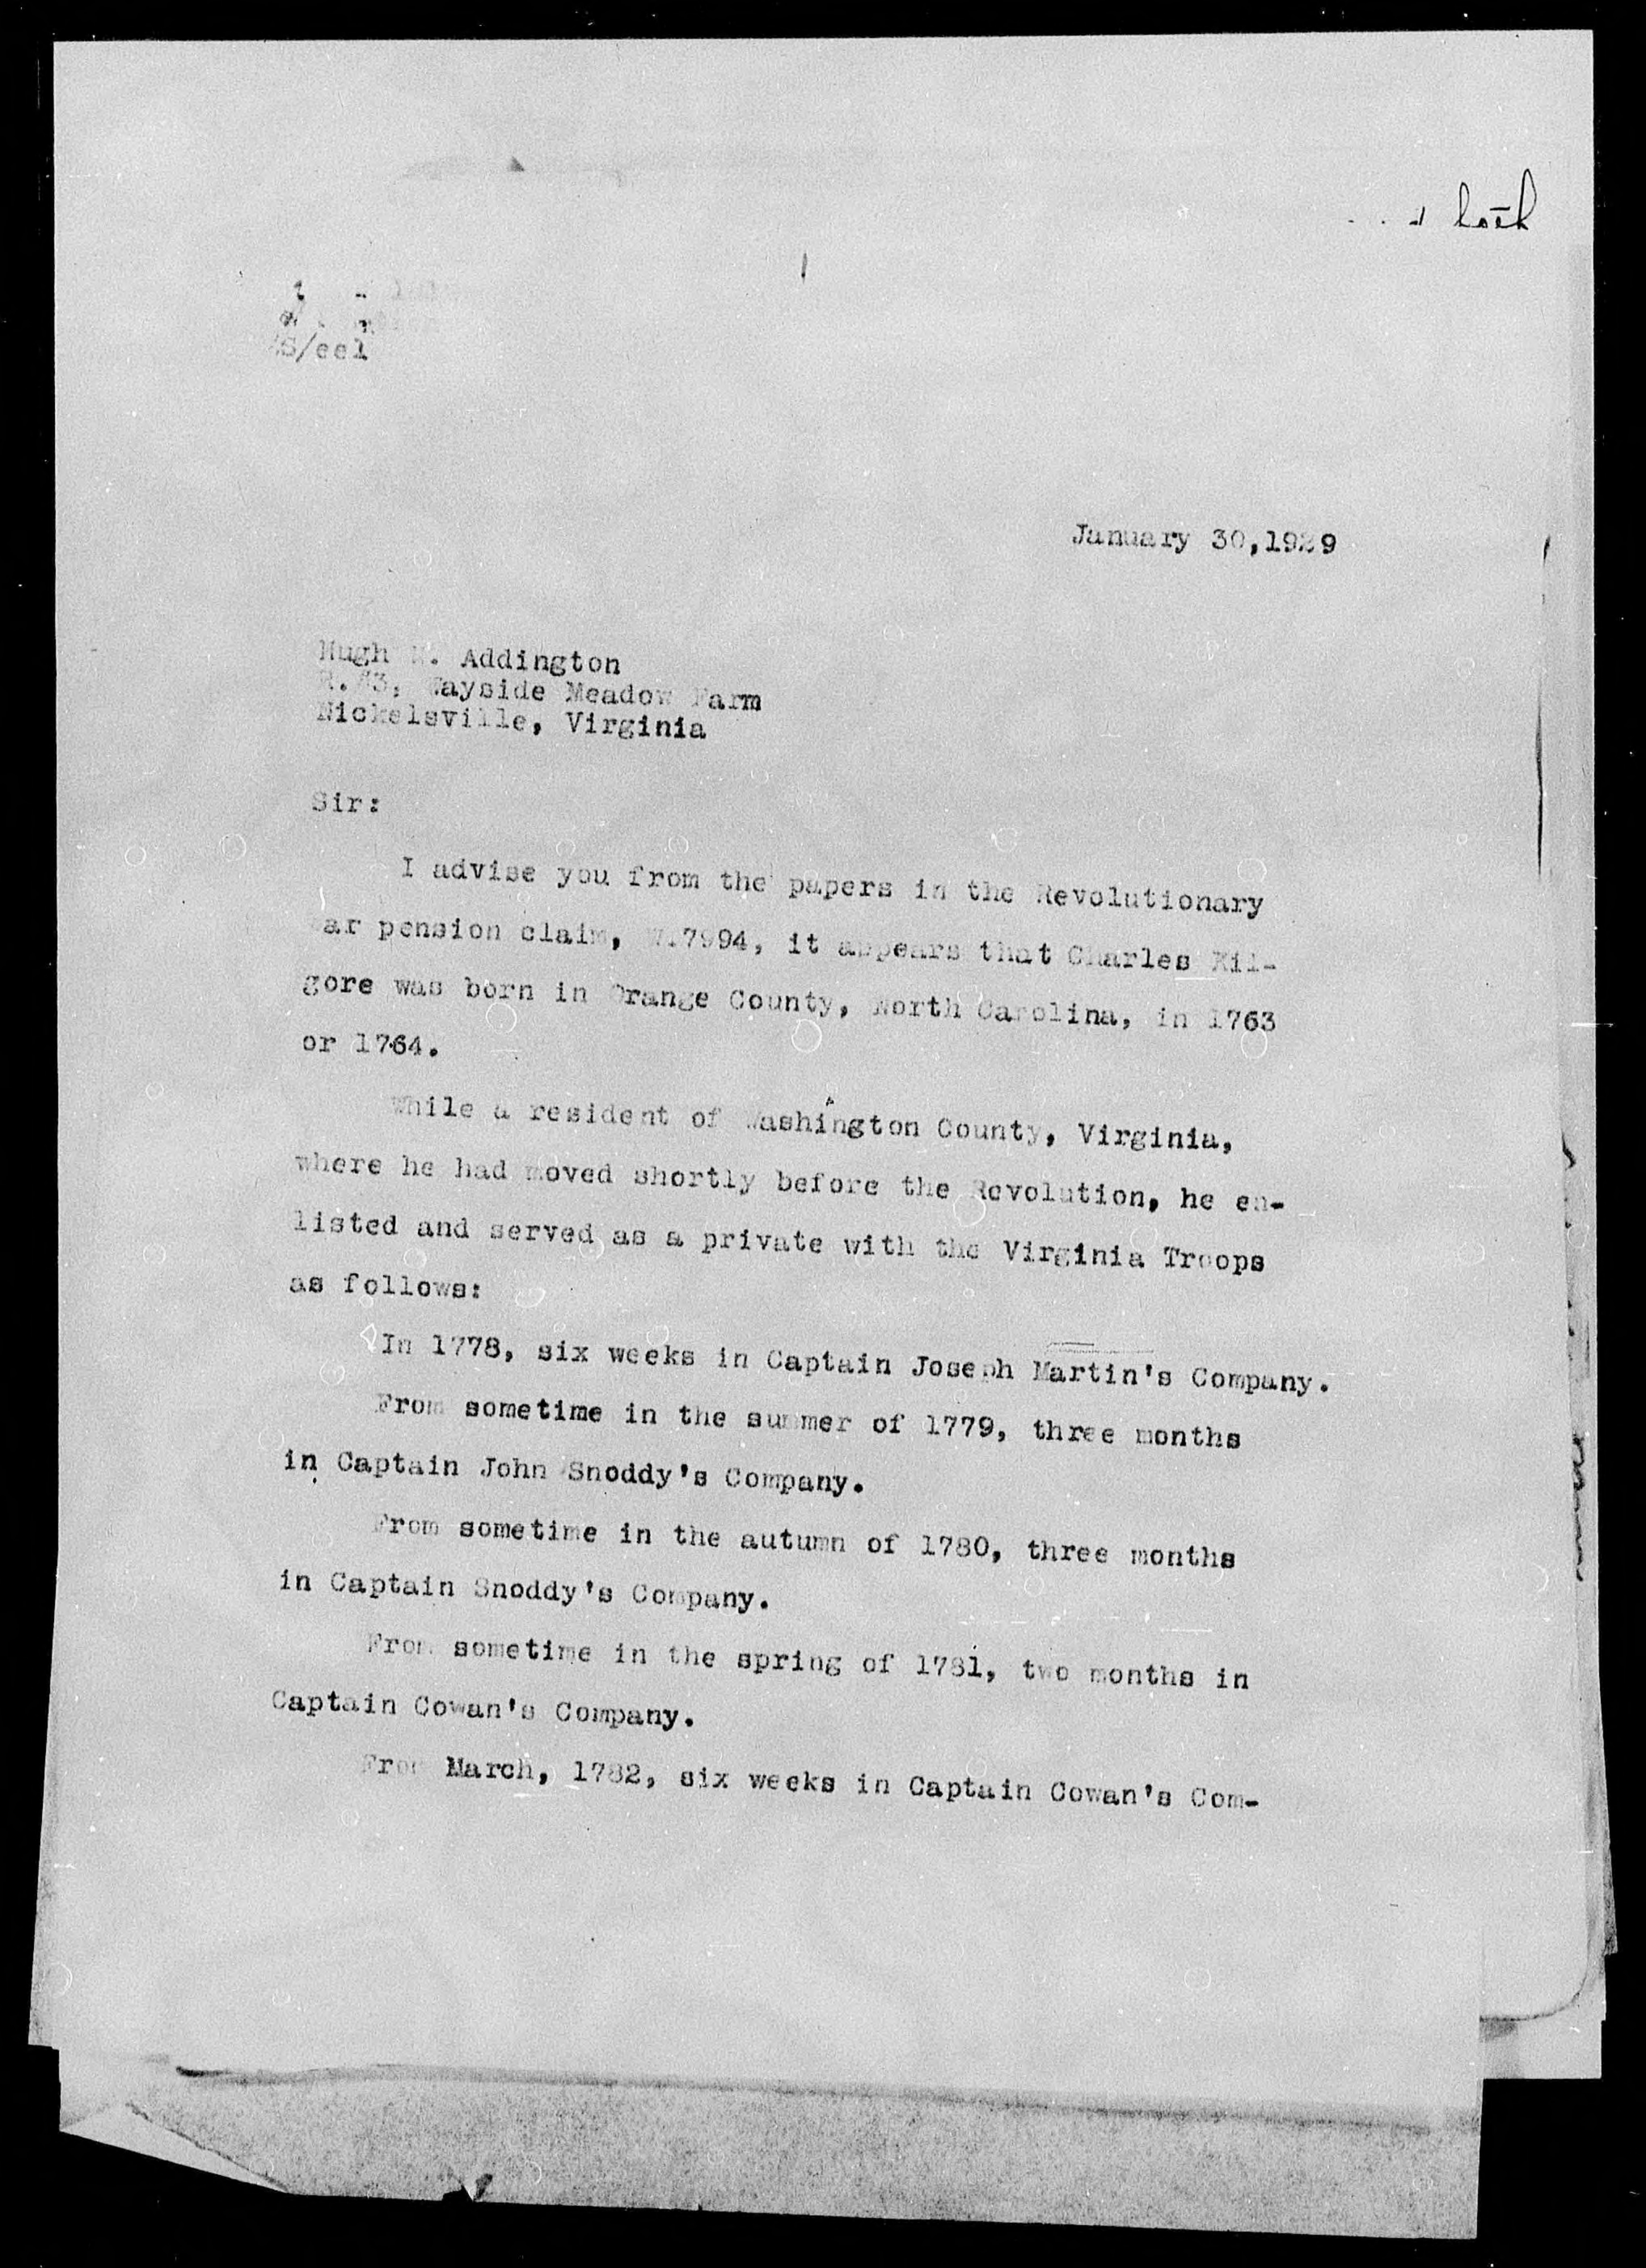January 30, 1929

Hugh Addington
R.#3 Wayside Meadow Farm
Nickelsville, Virginia

Sir:
I advise you from the papers in the Revolutionary War pension claim, W.7994, it appears that Charles Kilgore was born in Orange County, North Carolina, in 1763 or 1764.
While a resident of Washington County, Virginia, where he had moved shortly before the Revolution, he enlisted and served as a private with the Virginia Troops as follows:
In 1778, six weeks in Captain Joseph Martin's Company.
From sometime in the summer of 1779, three months in Captain John Snoddy's Company.
From sometime in the autumn of 1780, three months in Captain Snoddy's Company.
From sometime in the spring of 1781, two months in Captain Cowan's Company,
From March, 1782, six weeks in Captain Cowan's Com-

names: Hugh M Addington; Charles Kilgore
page: 104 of 115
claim: survivor's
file: S. 699, for Charles Kilgore, Virginia